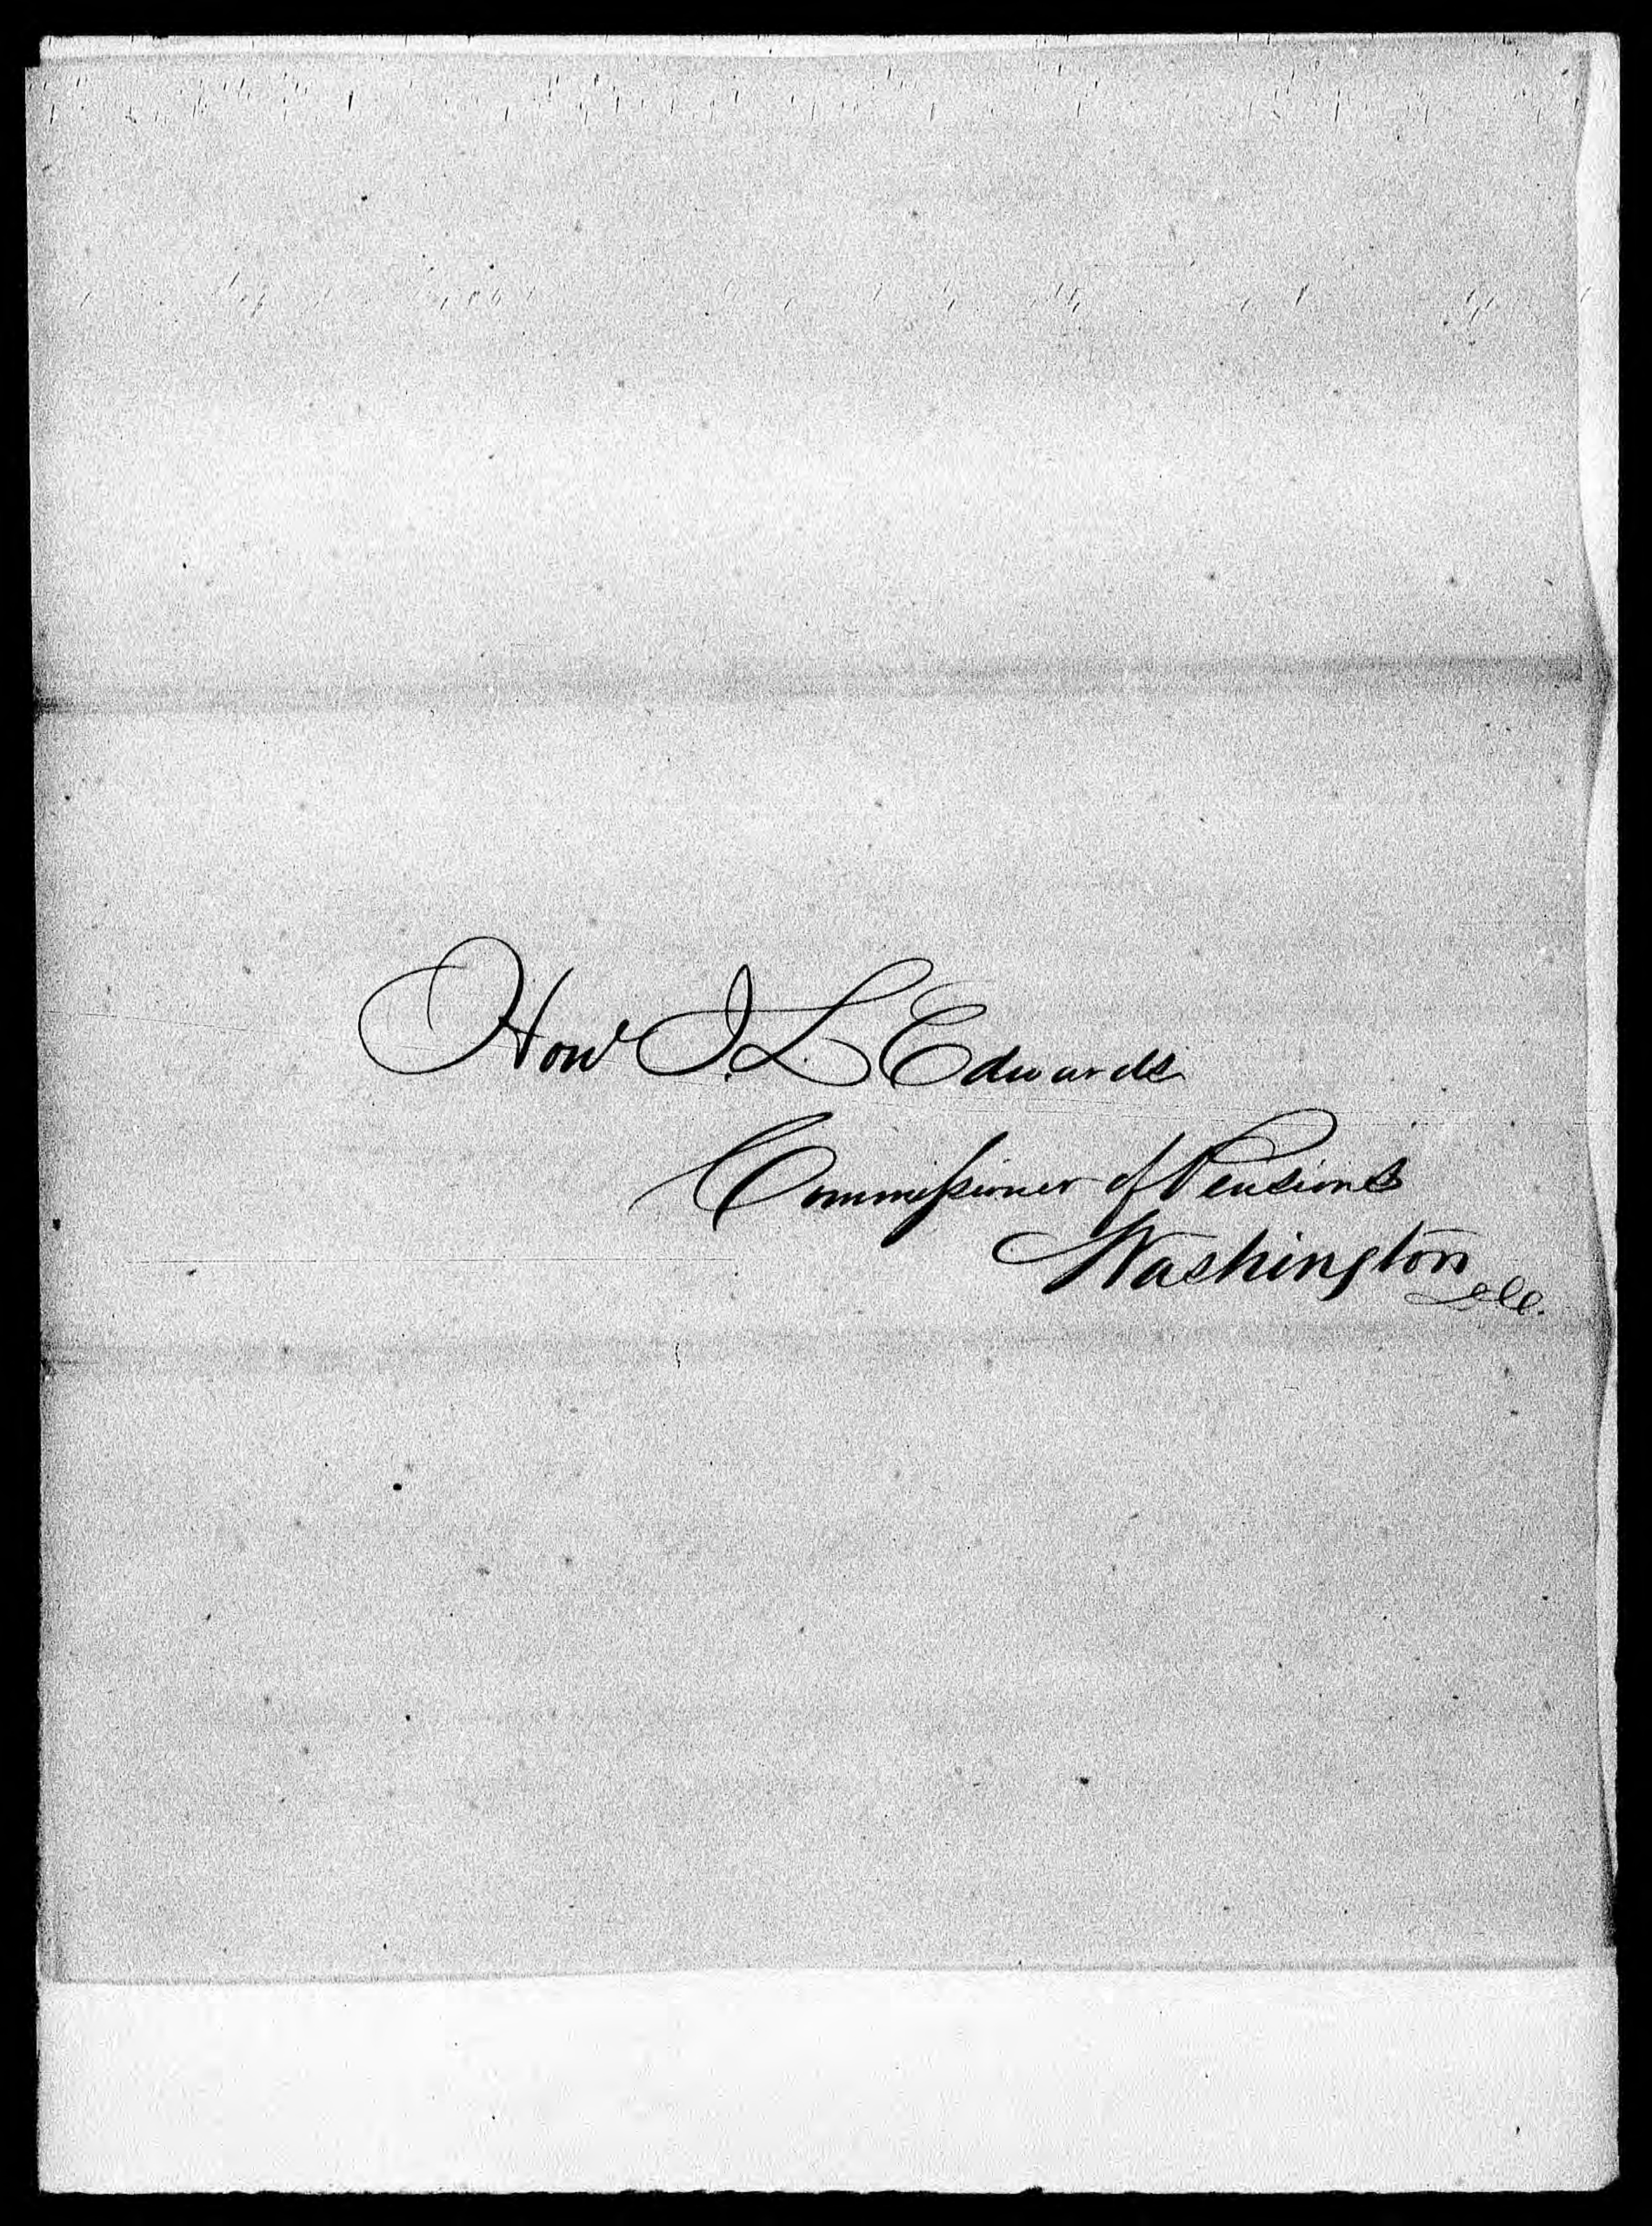Hon J L Edwards

Commissioner of Pensions
Washington
jle (initialled)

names: J L Edwards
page: 37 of 48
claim: widow's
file: W. 19788, Jacob W Hilton, New York